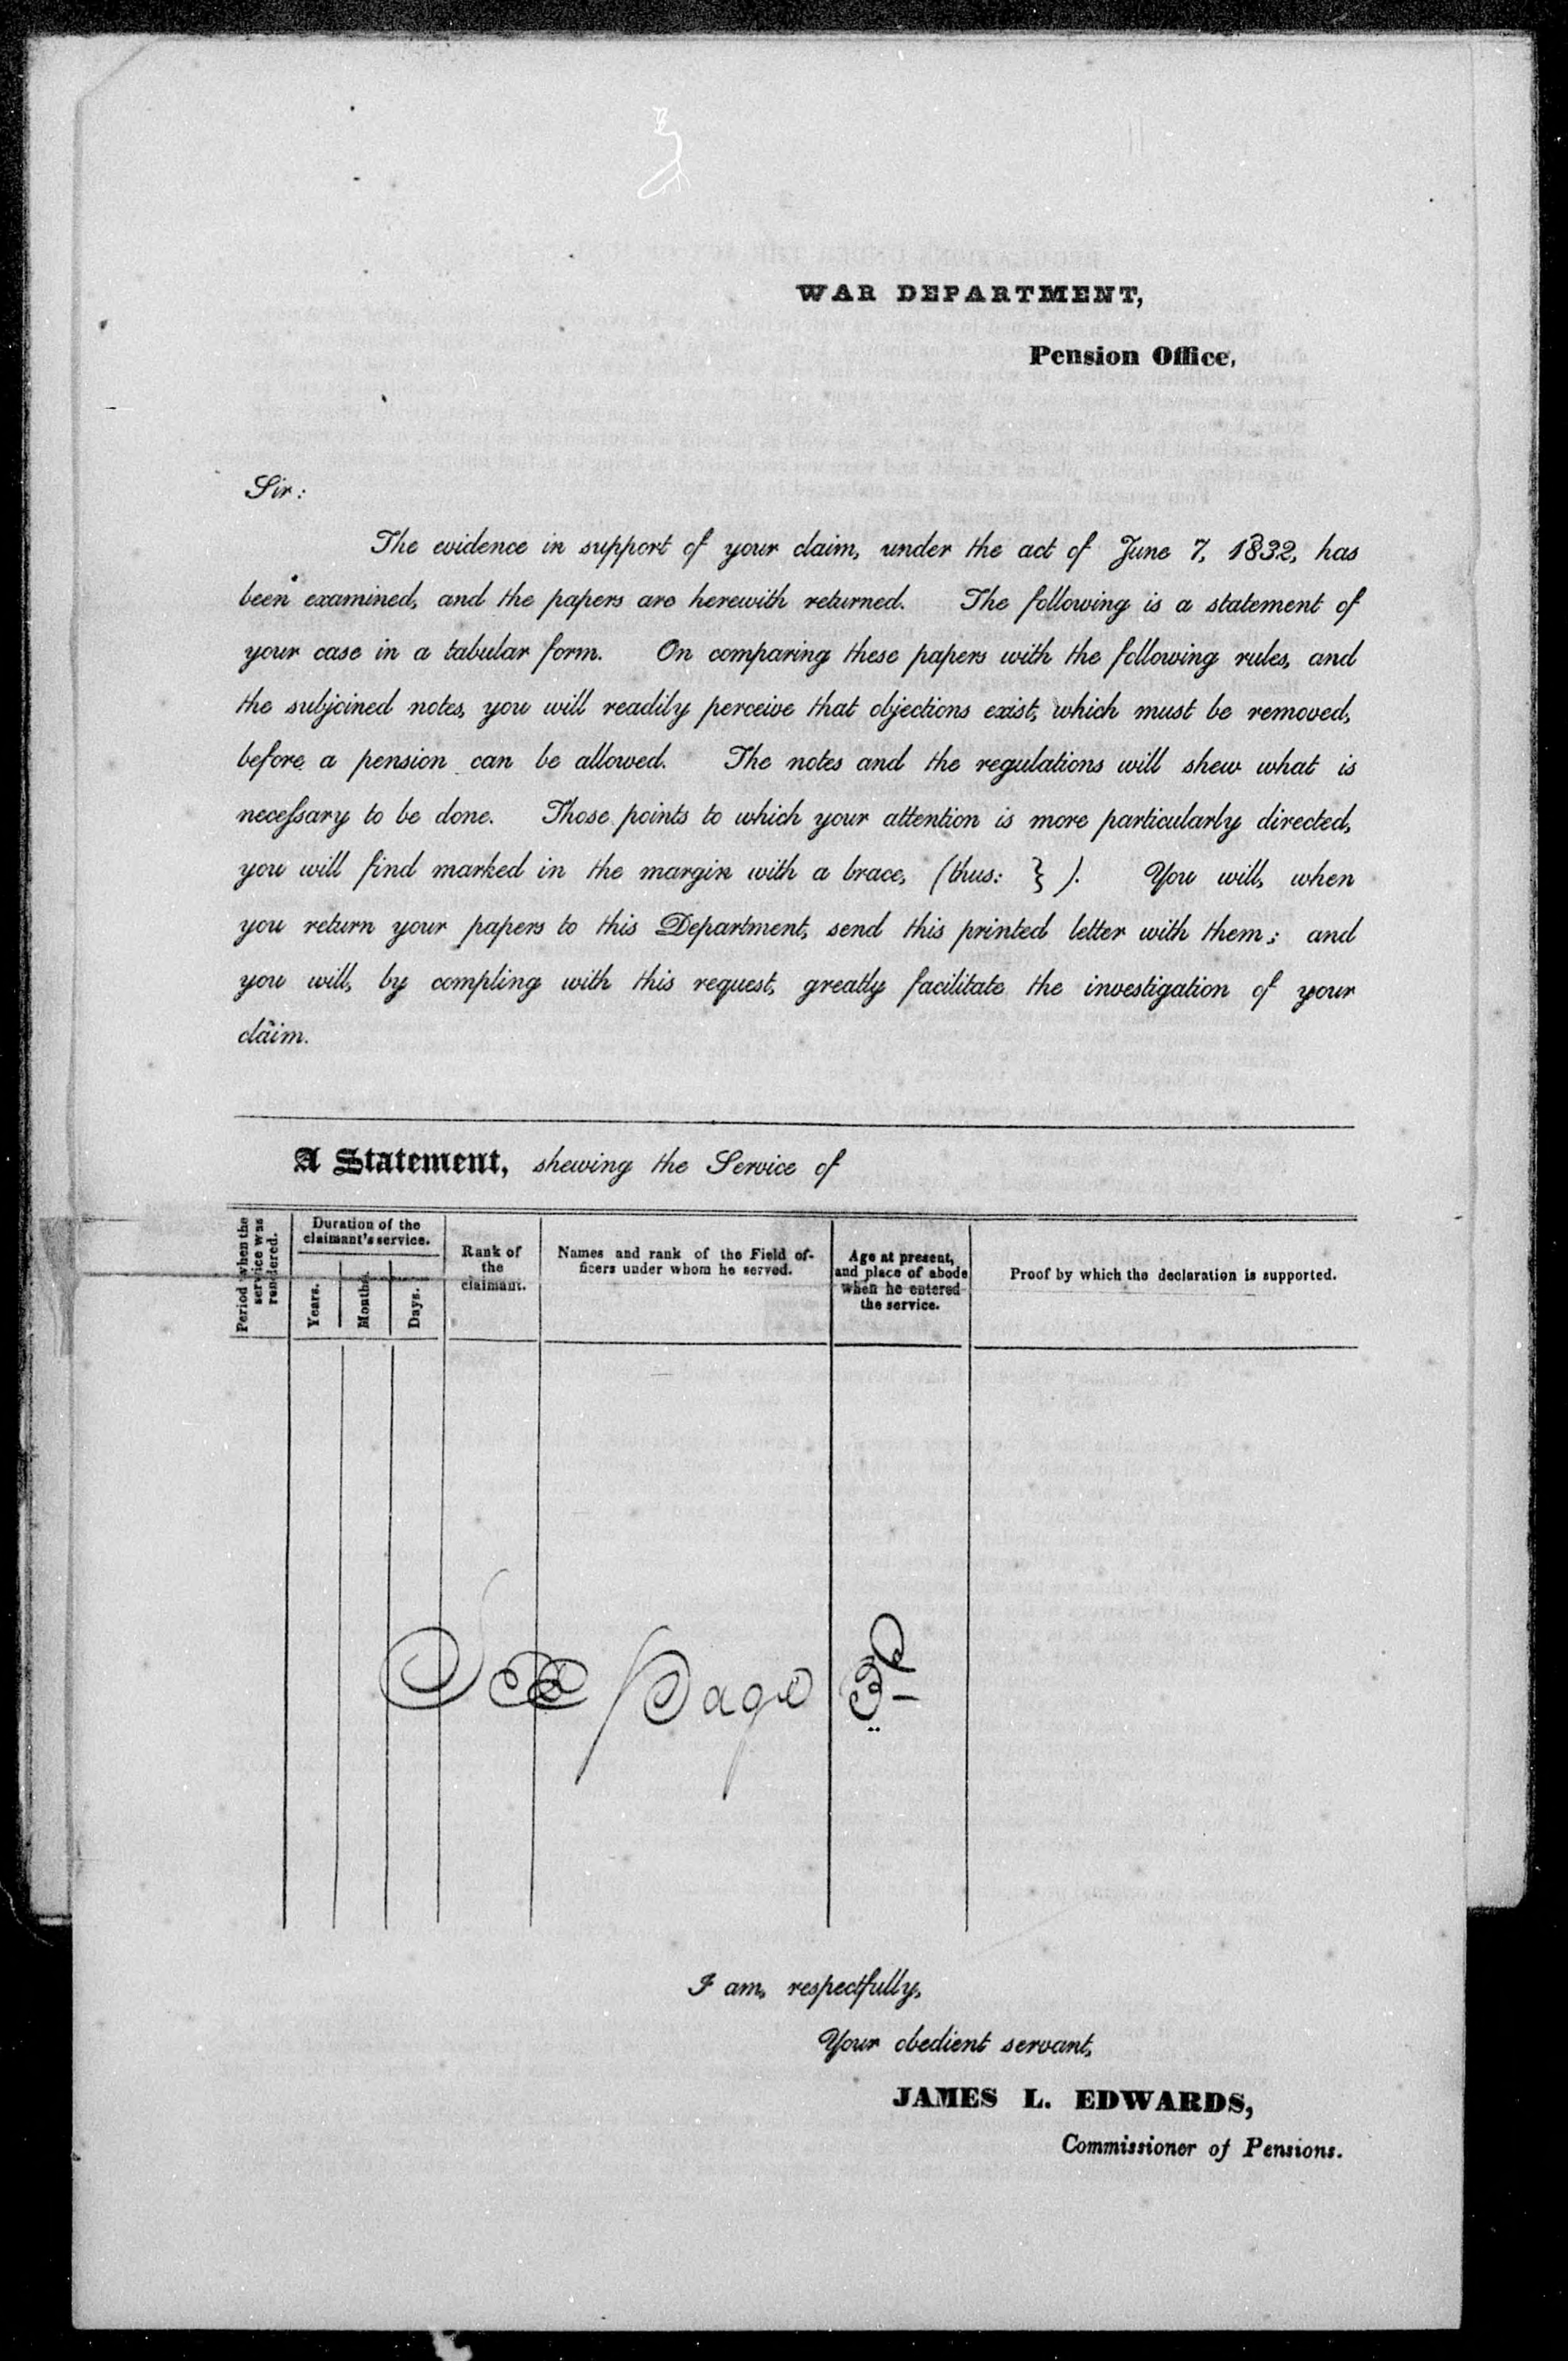Sir: 

The evidence in support of your claim, under the act of June 7, 1832, has been examined, and the papers are herewith returned. The following is a statement of your case in a tabular form. On comparing these papers with the following rules, and the subjoined notes you will readily perceive that obligations exist, which must be removed, before a pension can be allowed. The notes and the regulations will show what is necessary to be done. Those points to which your attention is more particularly directed, you will find marked in the margin with a brace (thus: }). You will when you return your papers to this Department send this printed letter with them; and you will by compling with this request, greatly facilitate the investigation of your claim. 

A Statement, showing the service of 

See page 3

I am, respectfully, 
Your obedient servant,

JAMES L. EDWARDS, 
Commissioner of Pensions.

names: James L Edwards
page: 34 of 51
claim: widow's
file: W. 929, William Glover, N.C.